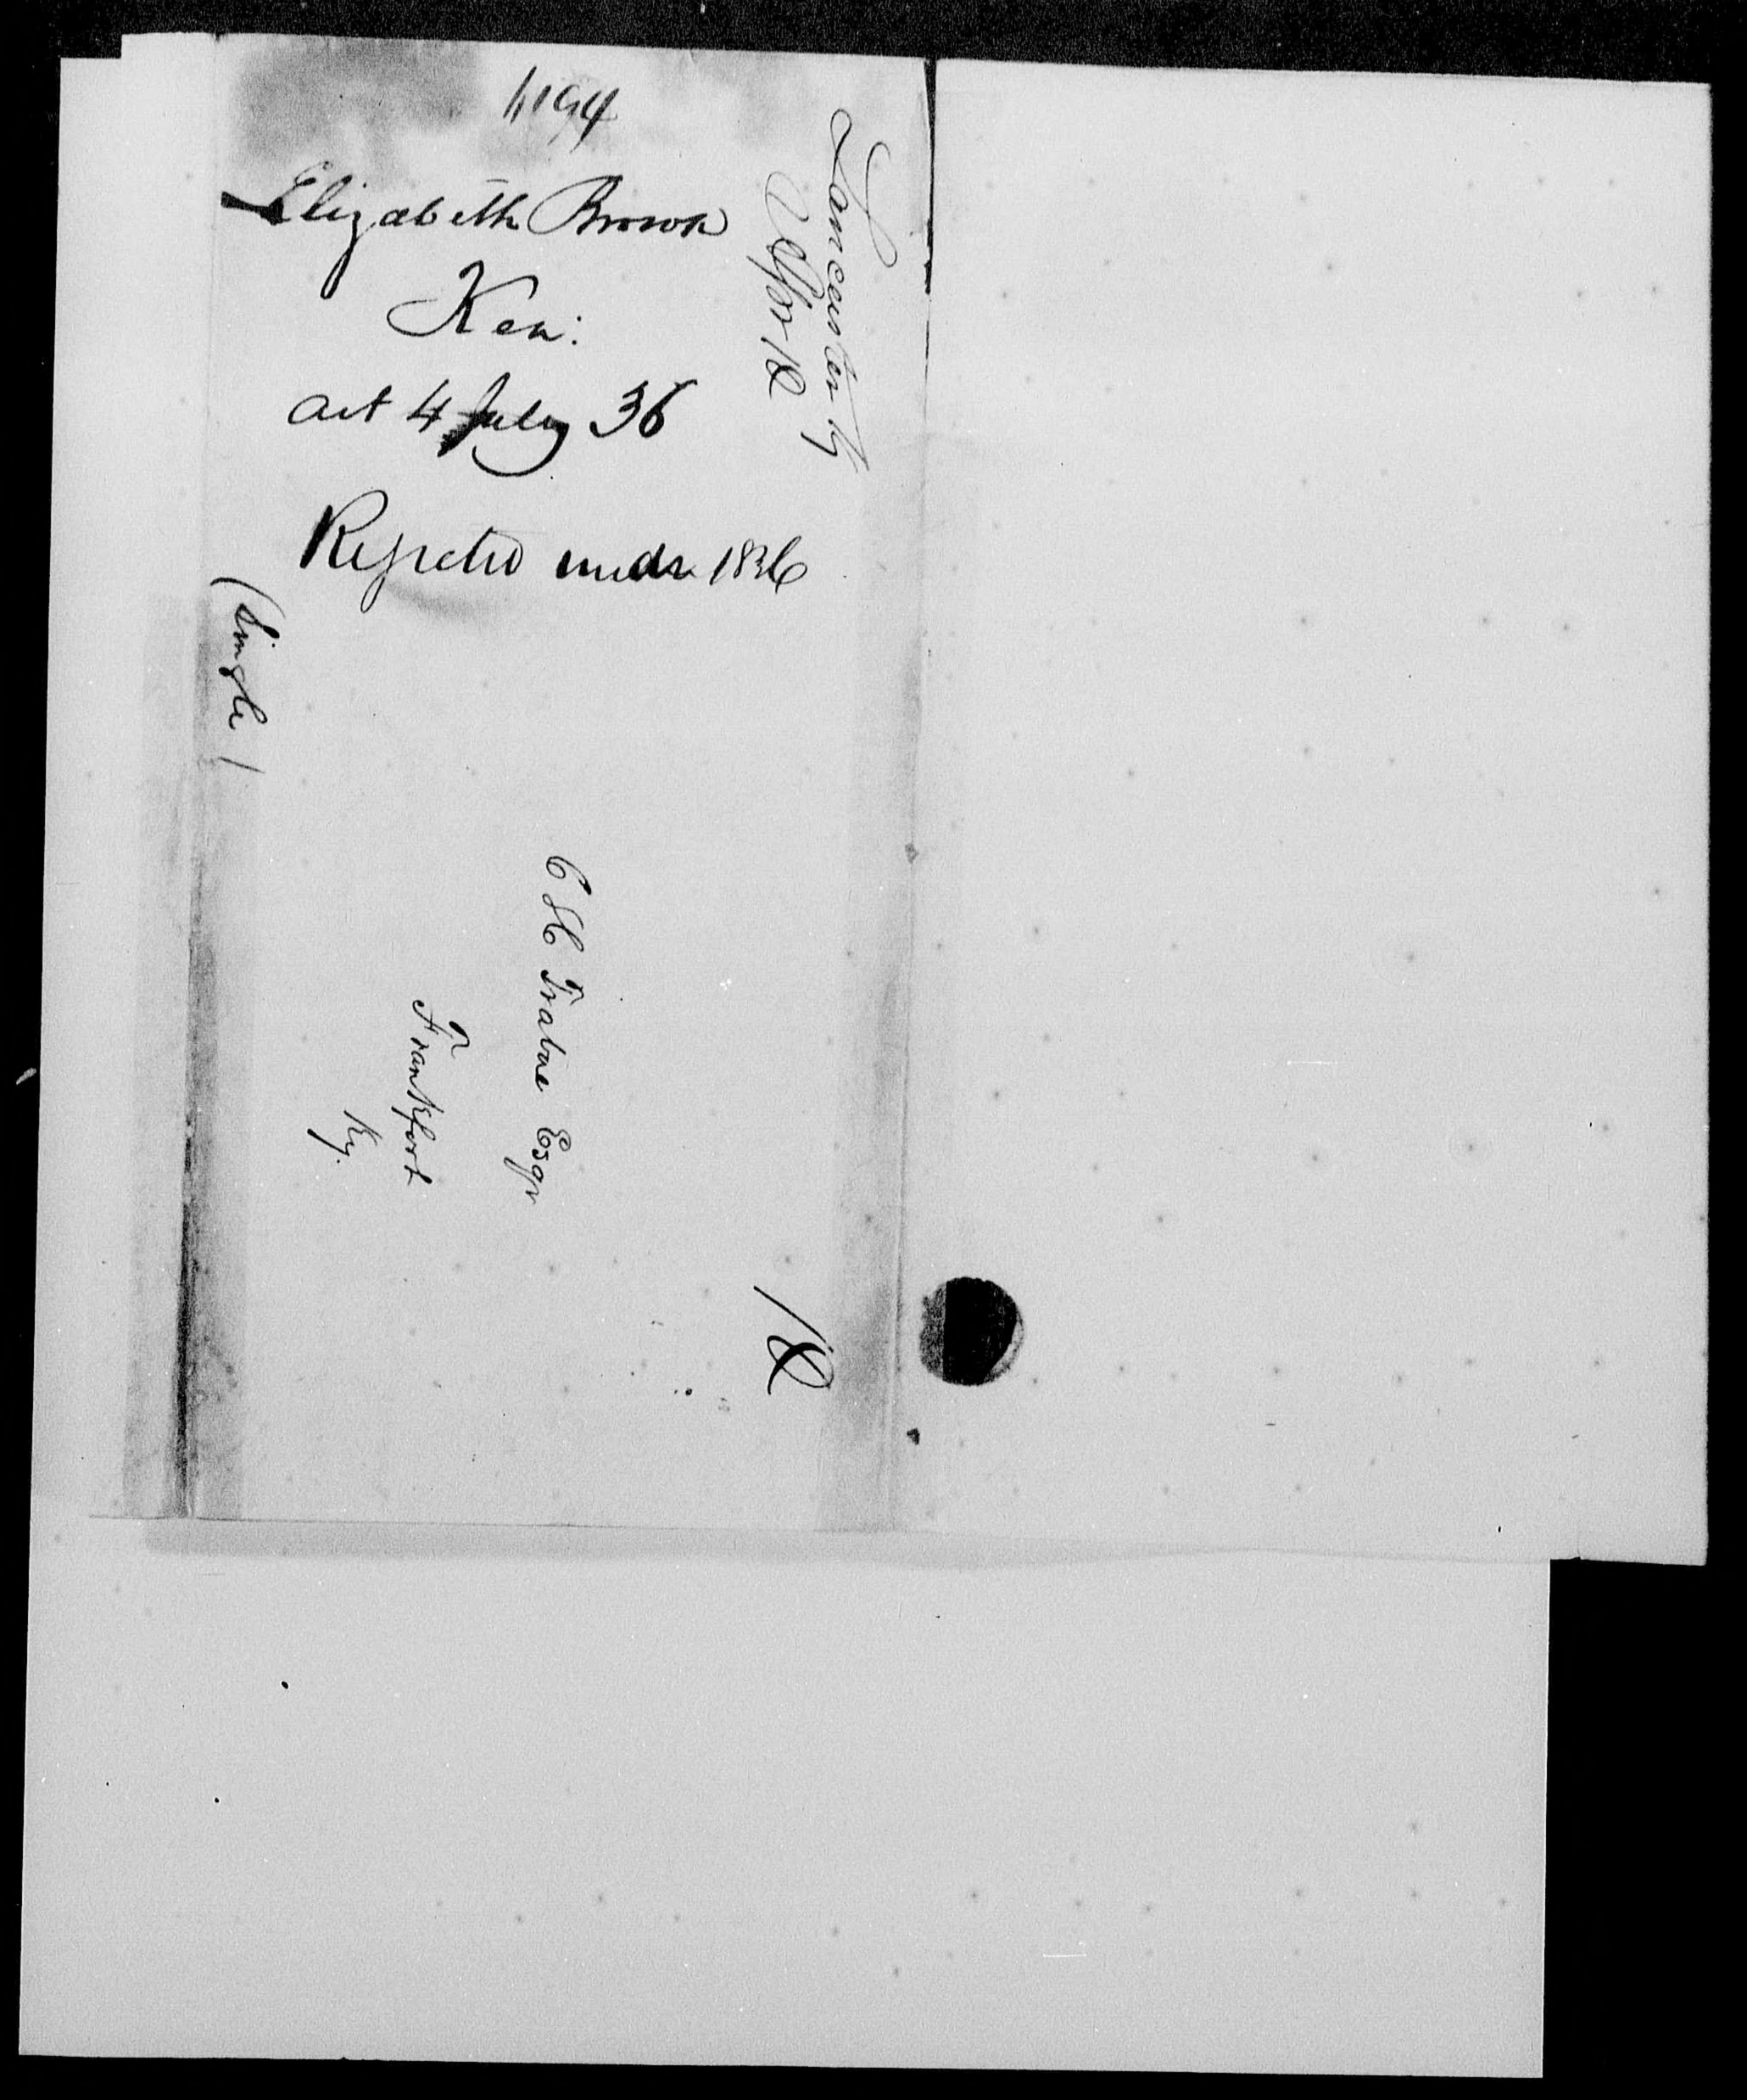1194
Elizabeth Brown
Ken: out 4 July 36
Rejection mids 1836
[Lancaster Ky, Apr 10]
[on side is written 'Single']
686 Tralne Esqr
Frankfort, Ky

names: Elizabeth Brown, C H Traboe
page: 10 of 65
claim: widow's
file: W. 8384, Arabia Brown, Va.